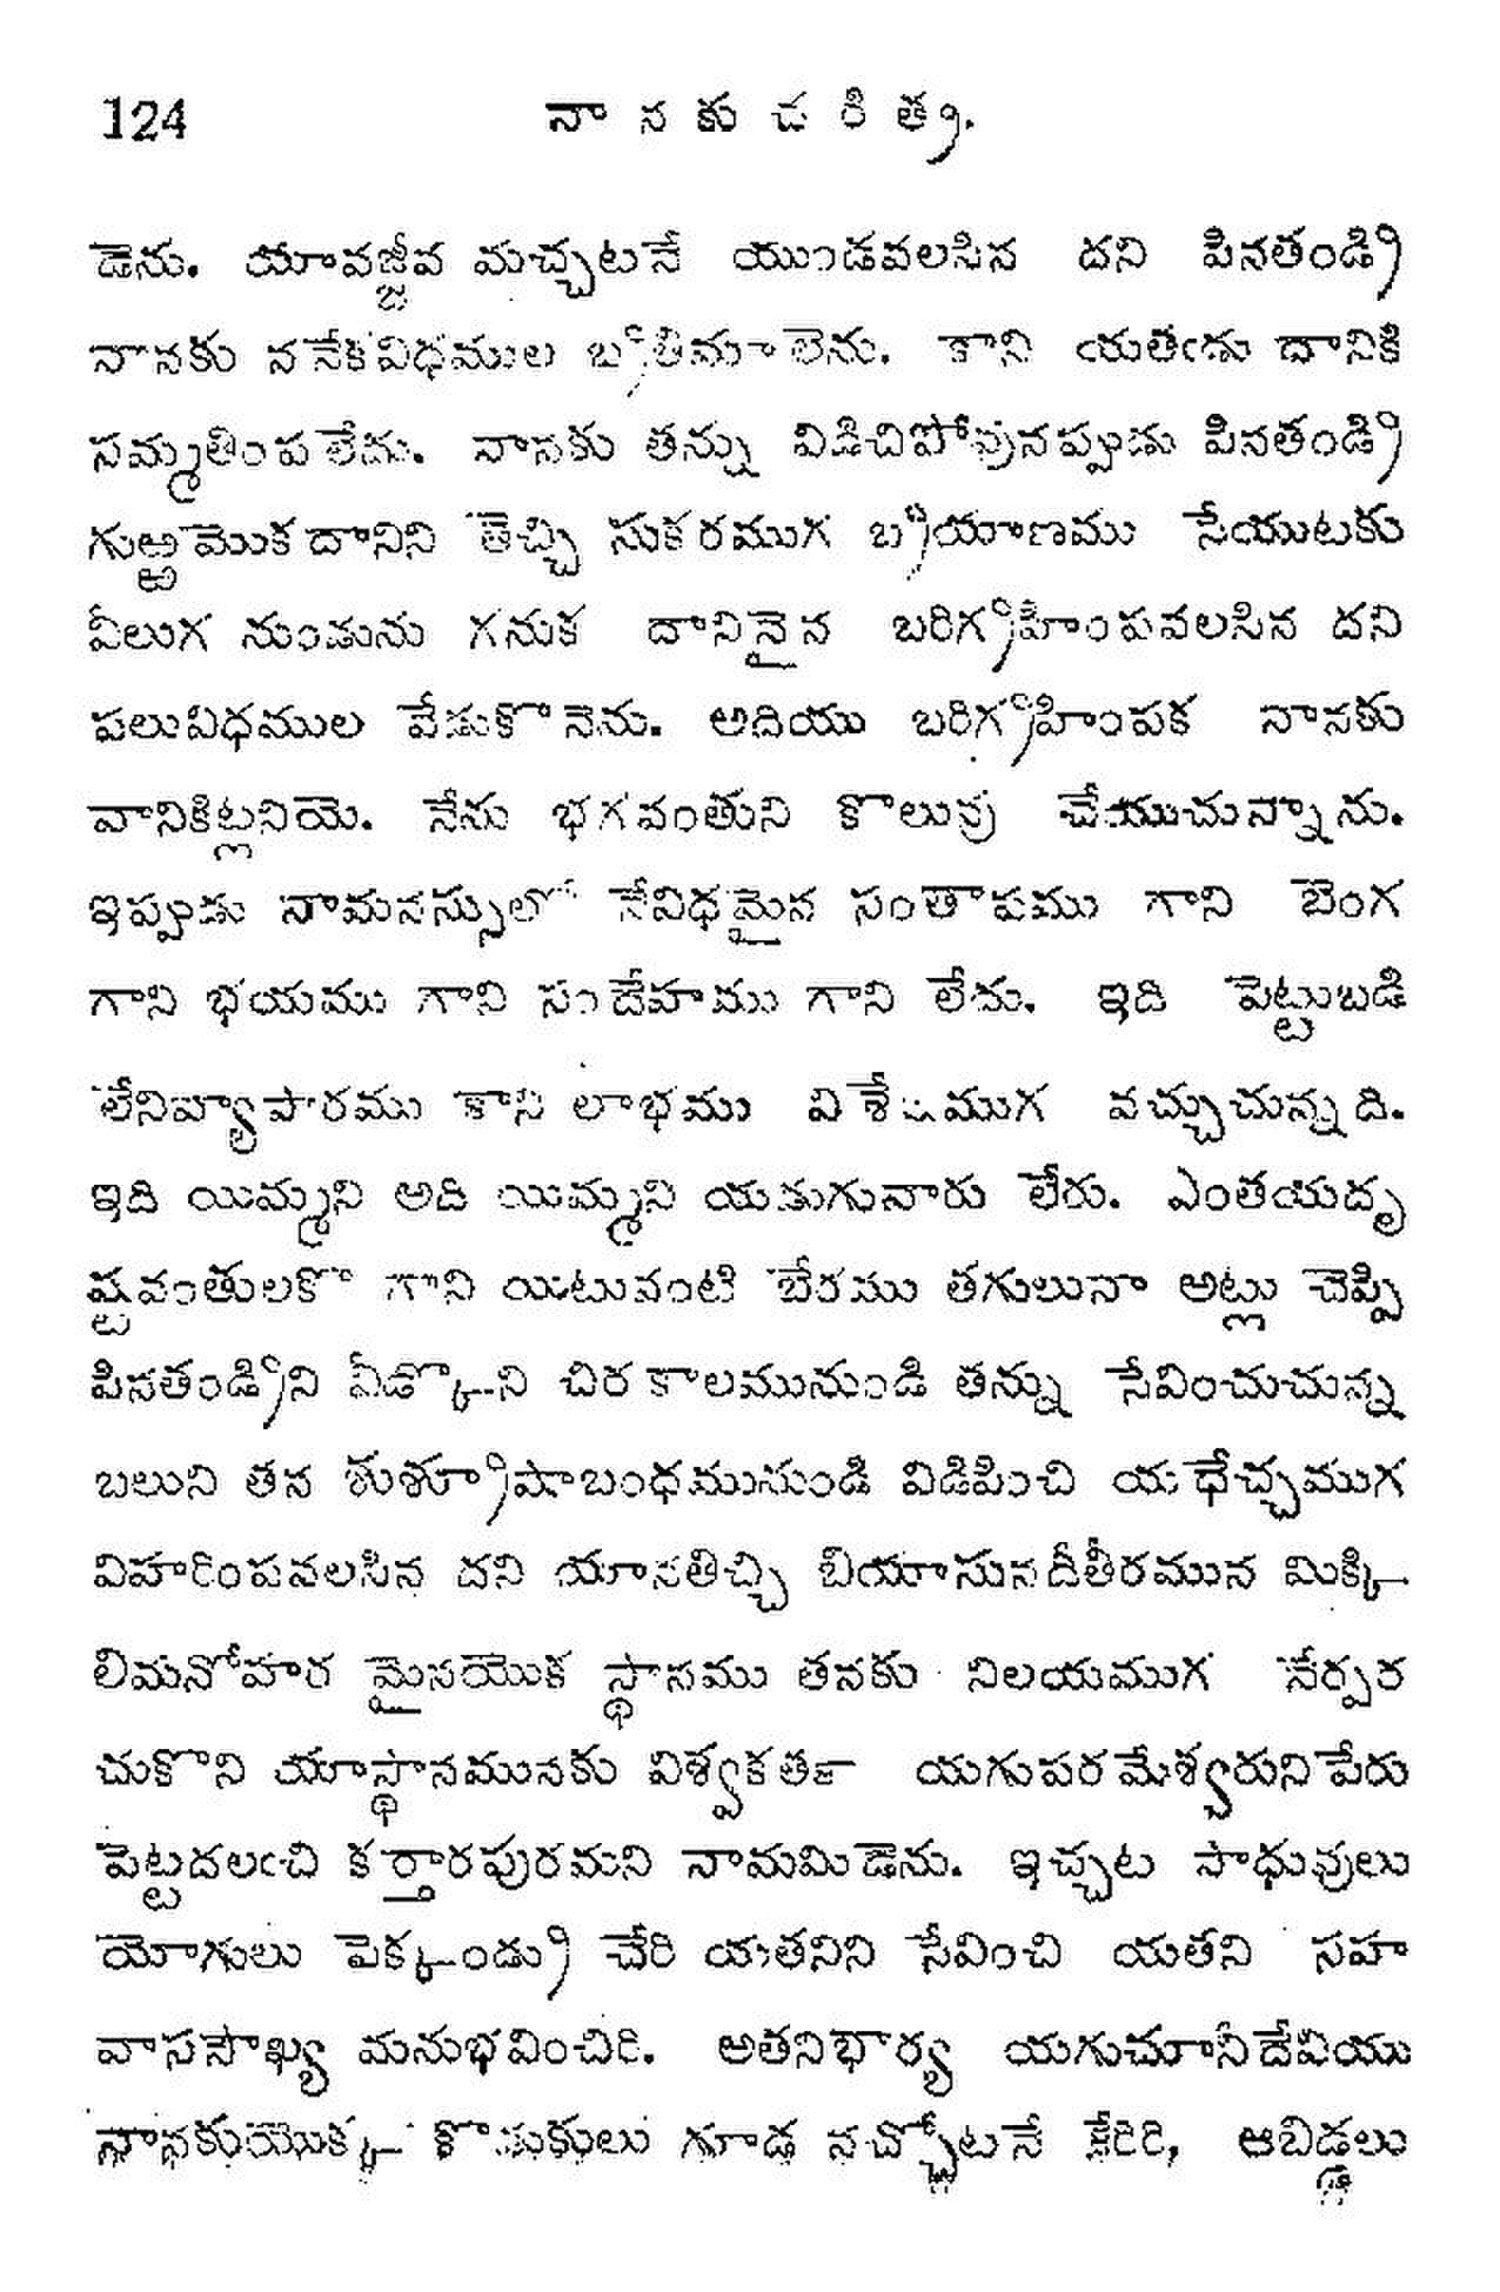డెను. యావజ్జీవ మచ్చటనే యుండవలసిన దని పినతండ్రి నానకు ననేకవిధముల బ్రతిమాలెను. కాని యతడు దానికి సమ్మతింపలేదు. నానకు తన్ను విడిచిపోవునప్పుడు పినతండ్రి గుఱ్ఱమొకదానిని తెచ్చి సుకరముగ బ్రయాణము సేయుటకు వీలుగ నుండును గనుక దానినైన బరిగ్రహింపవలసిన దని పలువిధముల వేడుకొనెను. అదియు బరిగ్రహింపక నానకు వానికిట్లనియె. నేను భగవంతుని కొలువు చేయుచున్నాను.. ఇప్పుడు నామనస్సులో నేవిధమైన సంతాపము గాని బెంగగాని భయము గాని సందేహము గాని లేదు. ఇది పెట్టుబడిలేనివ్యాపారము కాని లాభము విశేషముగ వచ్చుచున్నది. ఇది యిమ్మని అది యిమ్మని యడుగువారు లేరు. ఎంతయదృష్టవంతులకో గాని యిటువంటి బేరము తగులునా అట్లు చెప్పి పినతండ్రిని వీడ్కొని చిరకాలమునుండి తన్ను సేవించుచున్న బలుని తన శుశ్రూషాబంధమునుండి విడిపించి యధేచ్చముగ విహరింపవలసిన దని యానతిచ్చి బియాసునదీతీరమున మిక్కిలి మనోహర మైనయొక స్థానము తనకు నిలయముగ నేర్పరచుకొని యాస్థానమునకు విశ్వకతన్ యగుపరమేశ్వరునిపేరు పెట్టదలచి కర్తారపురమని నామమిడెను. ఇచ్చట సాధువులు యోగులు పెక్కండ్రు చేరి యతనిని సేవించి యతని సహవాససౌఖ్య మనుభవించిరి. అతనిభార్య యగుచూనీదేవియు నానకుయొక్క కొడుకులు గూడ నచ్చోటనే జేరిరి, ఆబిడ్డలు
'